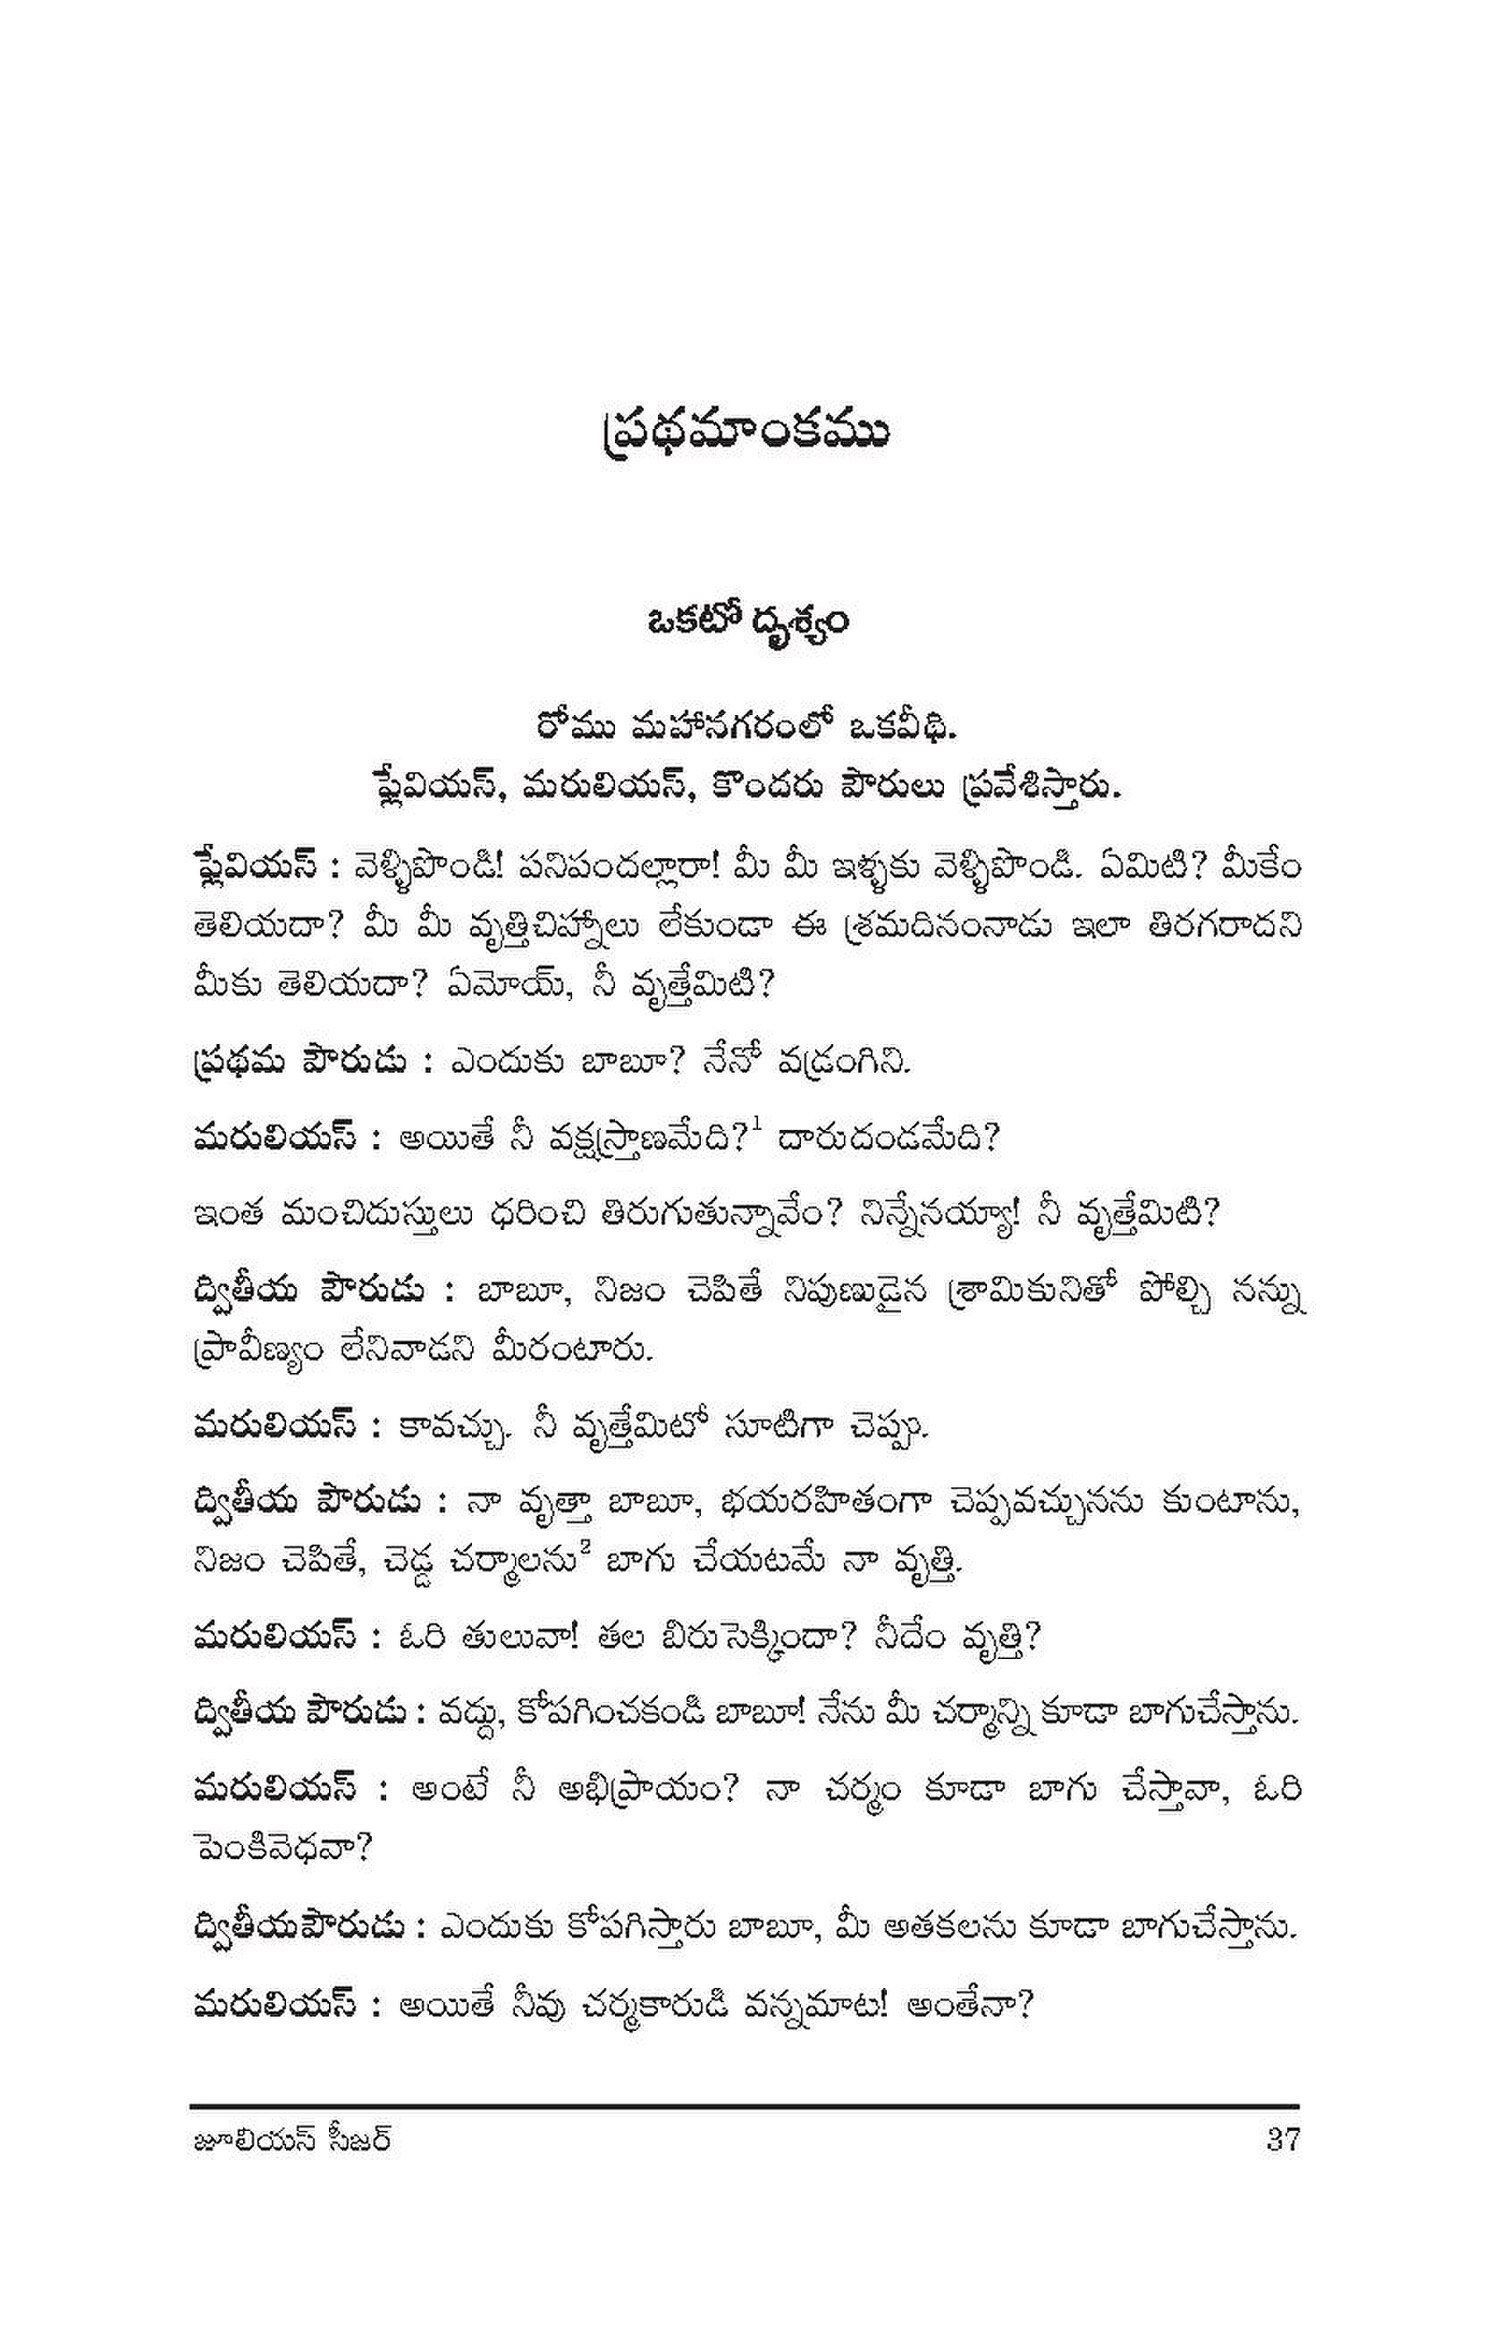ప్లేవియస్ : వెళ్ళిపొండి! పనిపందల్లారా! మీ మీ ఇళ్ళకు వెళ్ళిపొండి. ఏమిటి? మీకేం తెలియదా? మీ మీ వృత్తిచిహ్నాలు లేకుండా ఈ శ్రమదినంనాడు ఇలా తిరగరాదని మీకు తెలియదా? ఏమోయ్, నీ వృత్తేమిటి?

ప్రథమ పౌరుడు : ఎందుకు బాబూ? నేనో వడ్రంగిని.

మరులియస్ : అయితే నీ వక్షస్త్రాణమేది?' దారుదండమేది?

ఇంత మంచిదుస్తులు ధరించి తిరుగుతున్నావేం? నిన్నేనయ్యా! నీ వృత్తేమిటి?

ద్వితీయ పౌరుడు : బాబూ,నిజం చెపితే నిపుణుడైన శ్రామికునితో పోల్చి నన్ను ప్రావీణ్యం లేనివాడని మీరంటారు.

మరులియస్ : కావచ్చు. నీ వృత్తేమిటో సూటిగా చెప్పు.

ద్వితీయ పౌరుడు : నా వృత్తా బాబూ, భయరహితంగా చెప్పవచ్చునను కుంటాను, నిజం చెపితే, చెడ్డ చర్మాలను బాగు చేయటమే నా వృత్తి.

మరులియస్ : ఓరి తులువా! తల బిరుసెక్కిందా? నీదేం వృత్తి?

ద్వితీయ పౌరుడు : వద్దు, కోపగించకండి బాబూ! నేను మీ చర్మాన్ని కూడా బాగుచేస్తాను.

మరులియస్ : అంటే నీ అభిప్రాయం? నా చర్మం కూడా బాగు చేస్తావా, ఓరి పెంకివెదవా?

ద్వితీయపౌరుడు : ఎందుకు కోపగిస్తారు బాబూ, మీ అతకలను కూడా బాగుచేస్తాను.

మరులియస్ : అయితే నీవు చర్మకారుడి వన్నమాట! అంతేనా?